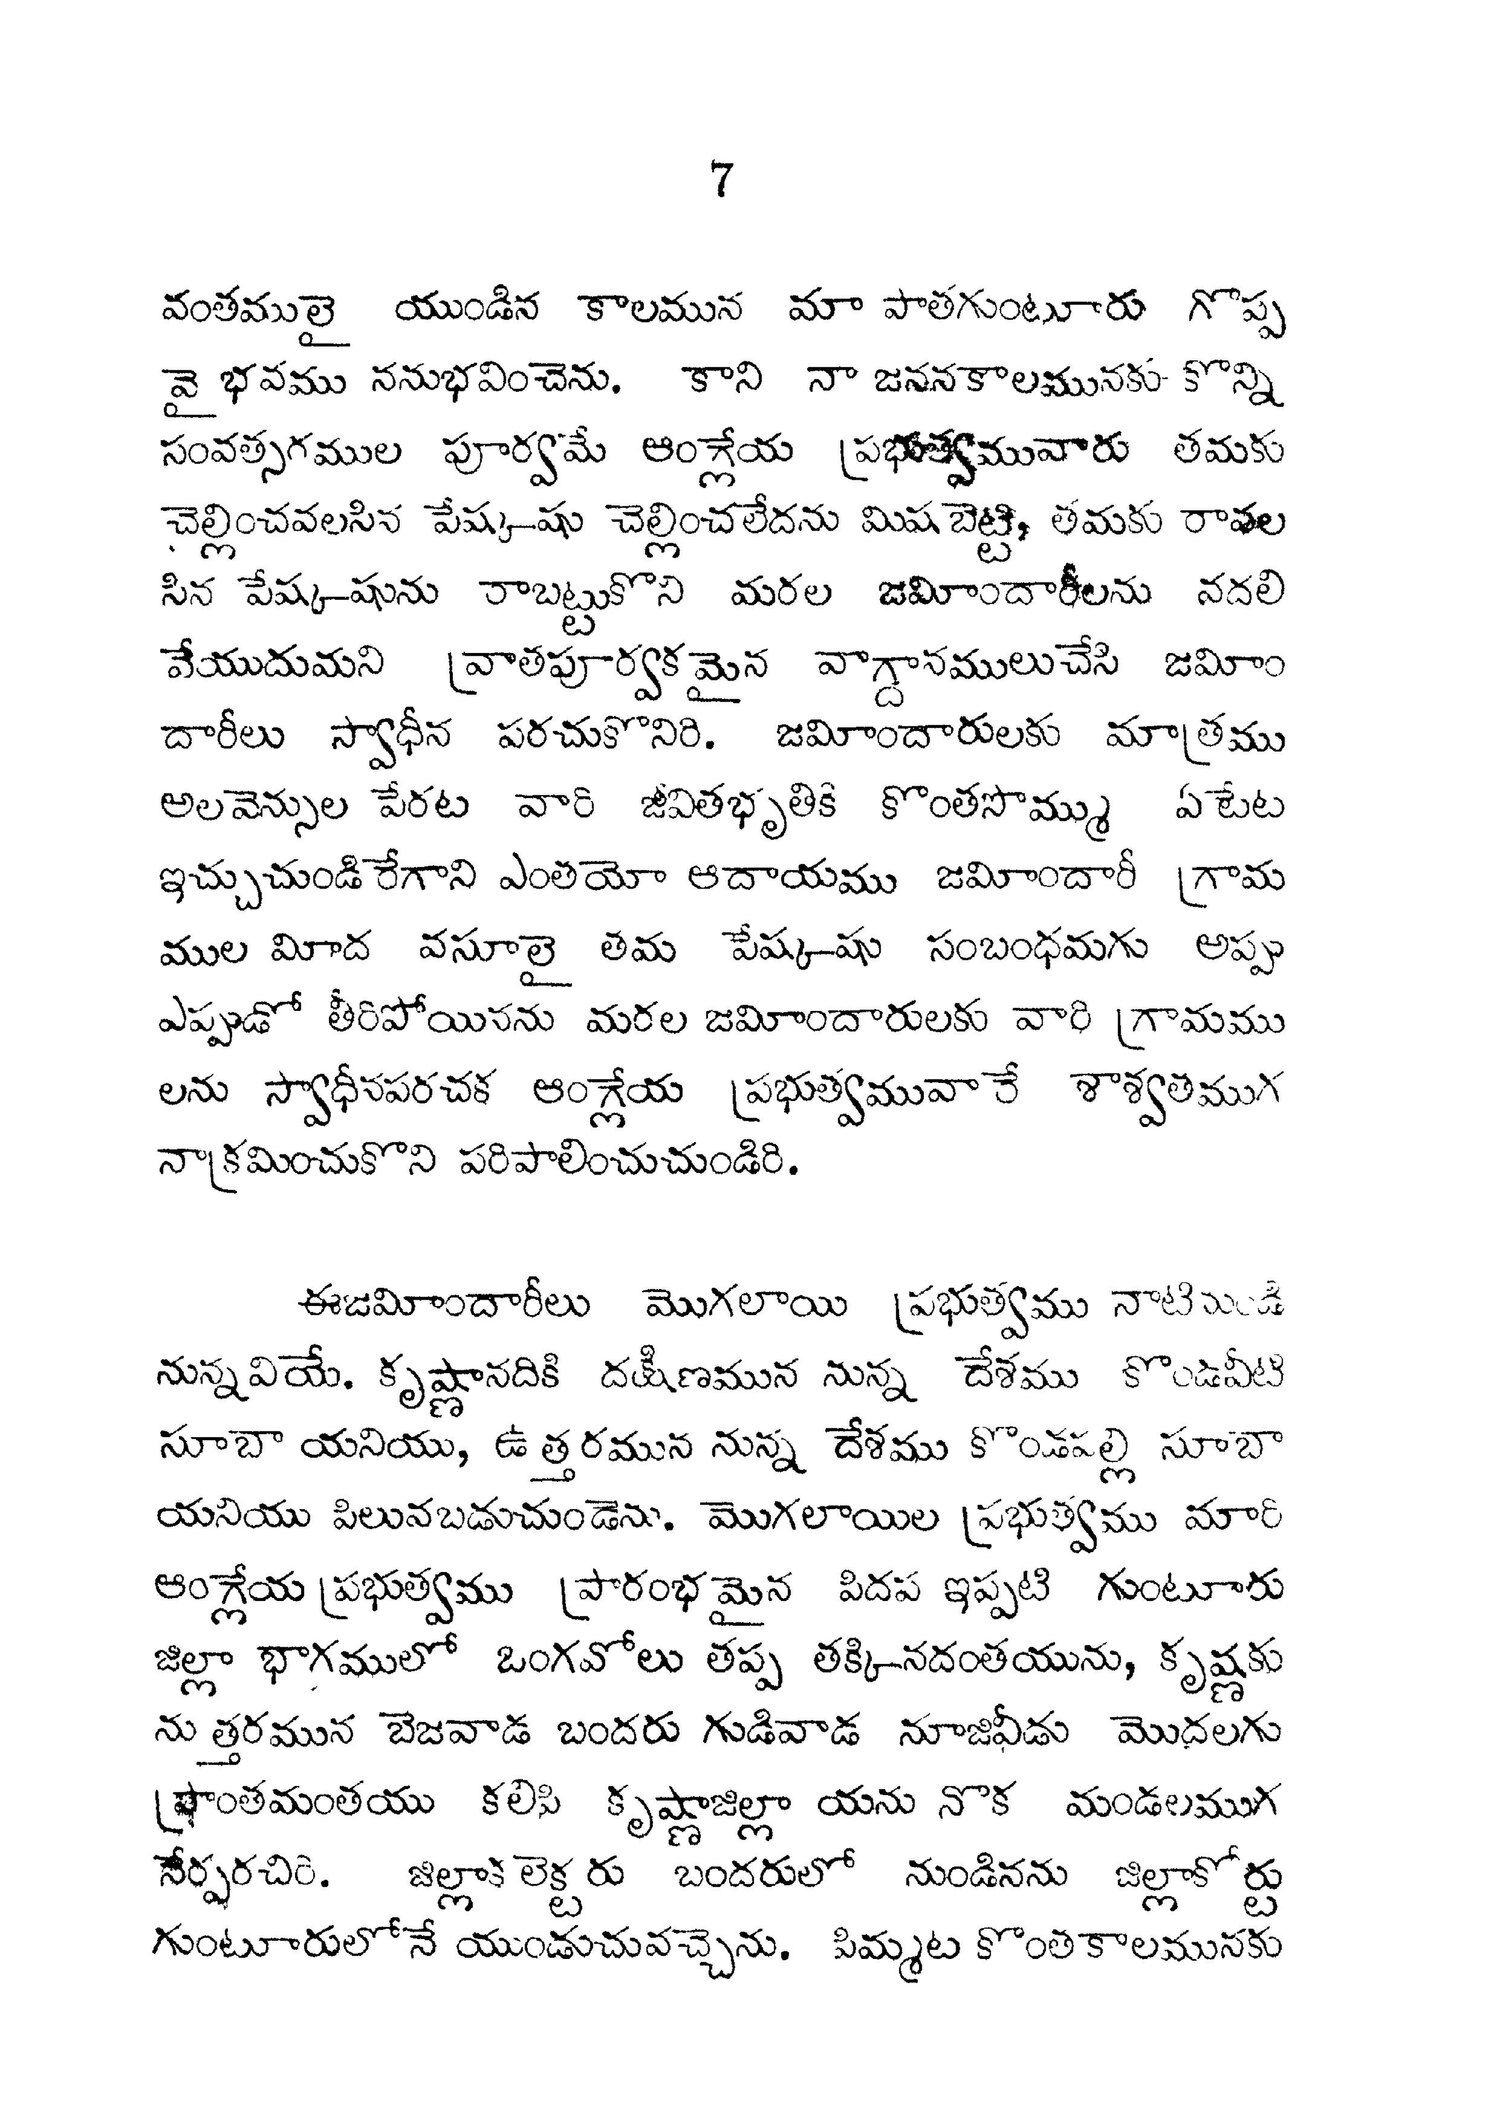వంతములై యుండిన కాలమున మా పాతగుంటూరు గొప్ప వైభవము ననుభవించెను. కాని నా జననకాలమునకు కొన్ని సంవత్సరముల పూర్వమే ఆంగ్లేయ ప్రభుత్వమువారు తమకు చెల్లించవలసిన పేష్కషు చెల్లించలేదను మిషబెట్టి, తమకు రావలసిన పేష్కషును రాబట్టుకొని మరల జమీందారీలను వదలి వేయుదమని వ్రాతపూర్వకమైన వాగ్దానములుచేసి జమీందారీలు స్వాధీన పరచుకొనిరి. జమీందారులకు మాత్రము అలవెన్సుల పేరట వారి జీవితభృతికి కొంతసొమ్ము ఏటేట ఇచ్చుచుండిరేగాని ఎంతయో ఆదాయము జామీందారీ గ్రామముల మీద వసూలై తమ పేష్కషు సంబంధమగు అప్పు ఎప్పుడో తీరిపోయినను మరల జమీందారులకు వారి గ్రామములను స్వాధీనపరచక ఆంగ్లేయ ప్రభుత్వమువారే శాశ్వతముగ నాక్రమించుకొని పరిపాలించుచుండిరి.

ఈజమీందారీలు మొగలాయి ప్రభుత్వము నాటినుండి నున్నవియే. కేష్ణానదికి దక్షిణమున నున్న దేశము కొండవీటి సూబా యనియు, ఉత్తరమున నున్న దేశము కొండపల్లి సూబా యనియు పిలువబడుచుండెను. మొగలాయిల ప్రభుత్వము మారి ఆంగ్లేయ ప్రభుత్వము ప్రారంభమైన పిదప ఇప్పటి గుంటూరు జిల్లా భాగములో ఒంగవోలు తప్ప తక్కినదంతయును, కృష్ణకు నుత్తరమున బెజవాడ బందరు గుడివాడ నూజివీడు మొదలగు ప్రాంతమంతయు కలిపి కృష్ణాజిల్లా యను నొక మండలముగ నేర్పరచిరి. జిల్లాకలెక్టరు బందరులో నుండినను జిల్లాకోర్టు గుంటూరులోనే యుండుచువచ్చెను. పిమ్మట కొంతకాలమునకు